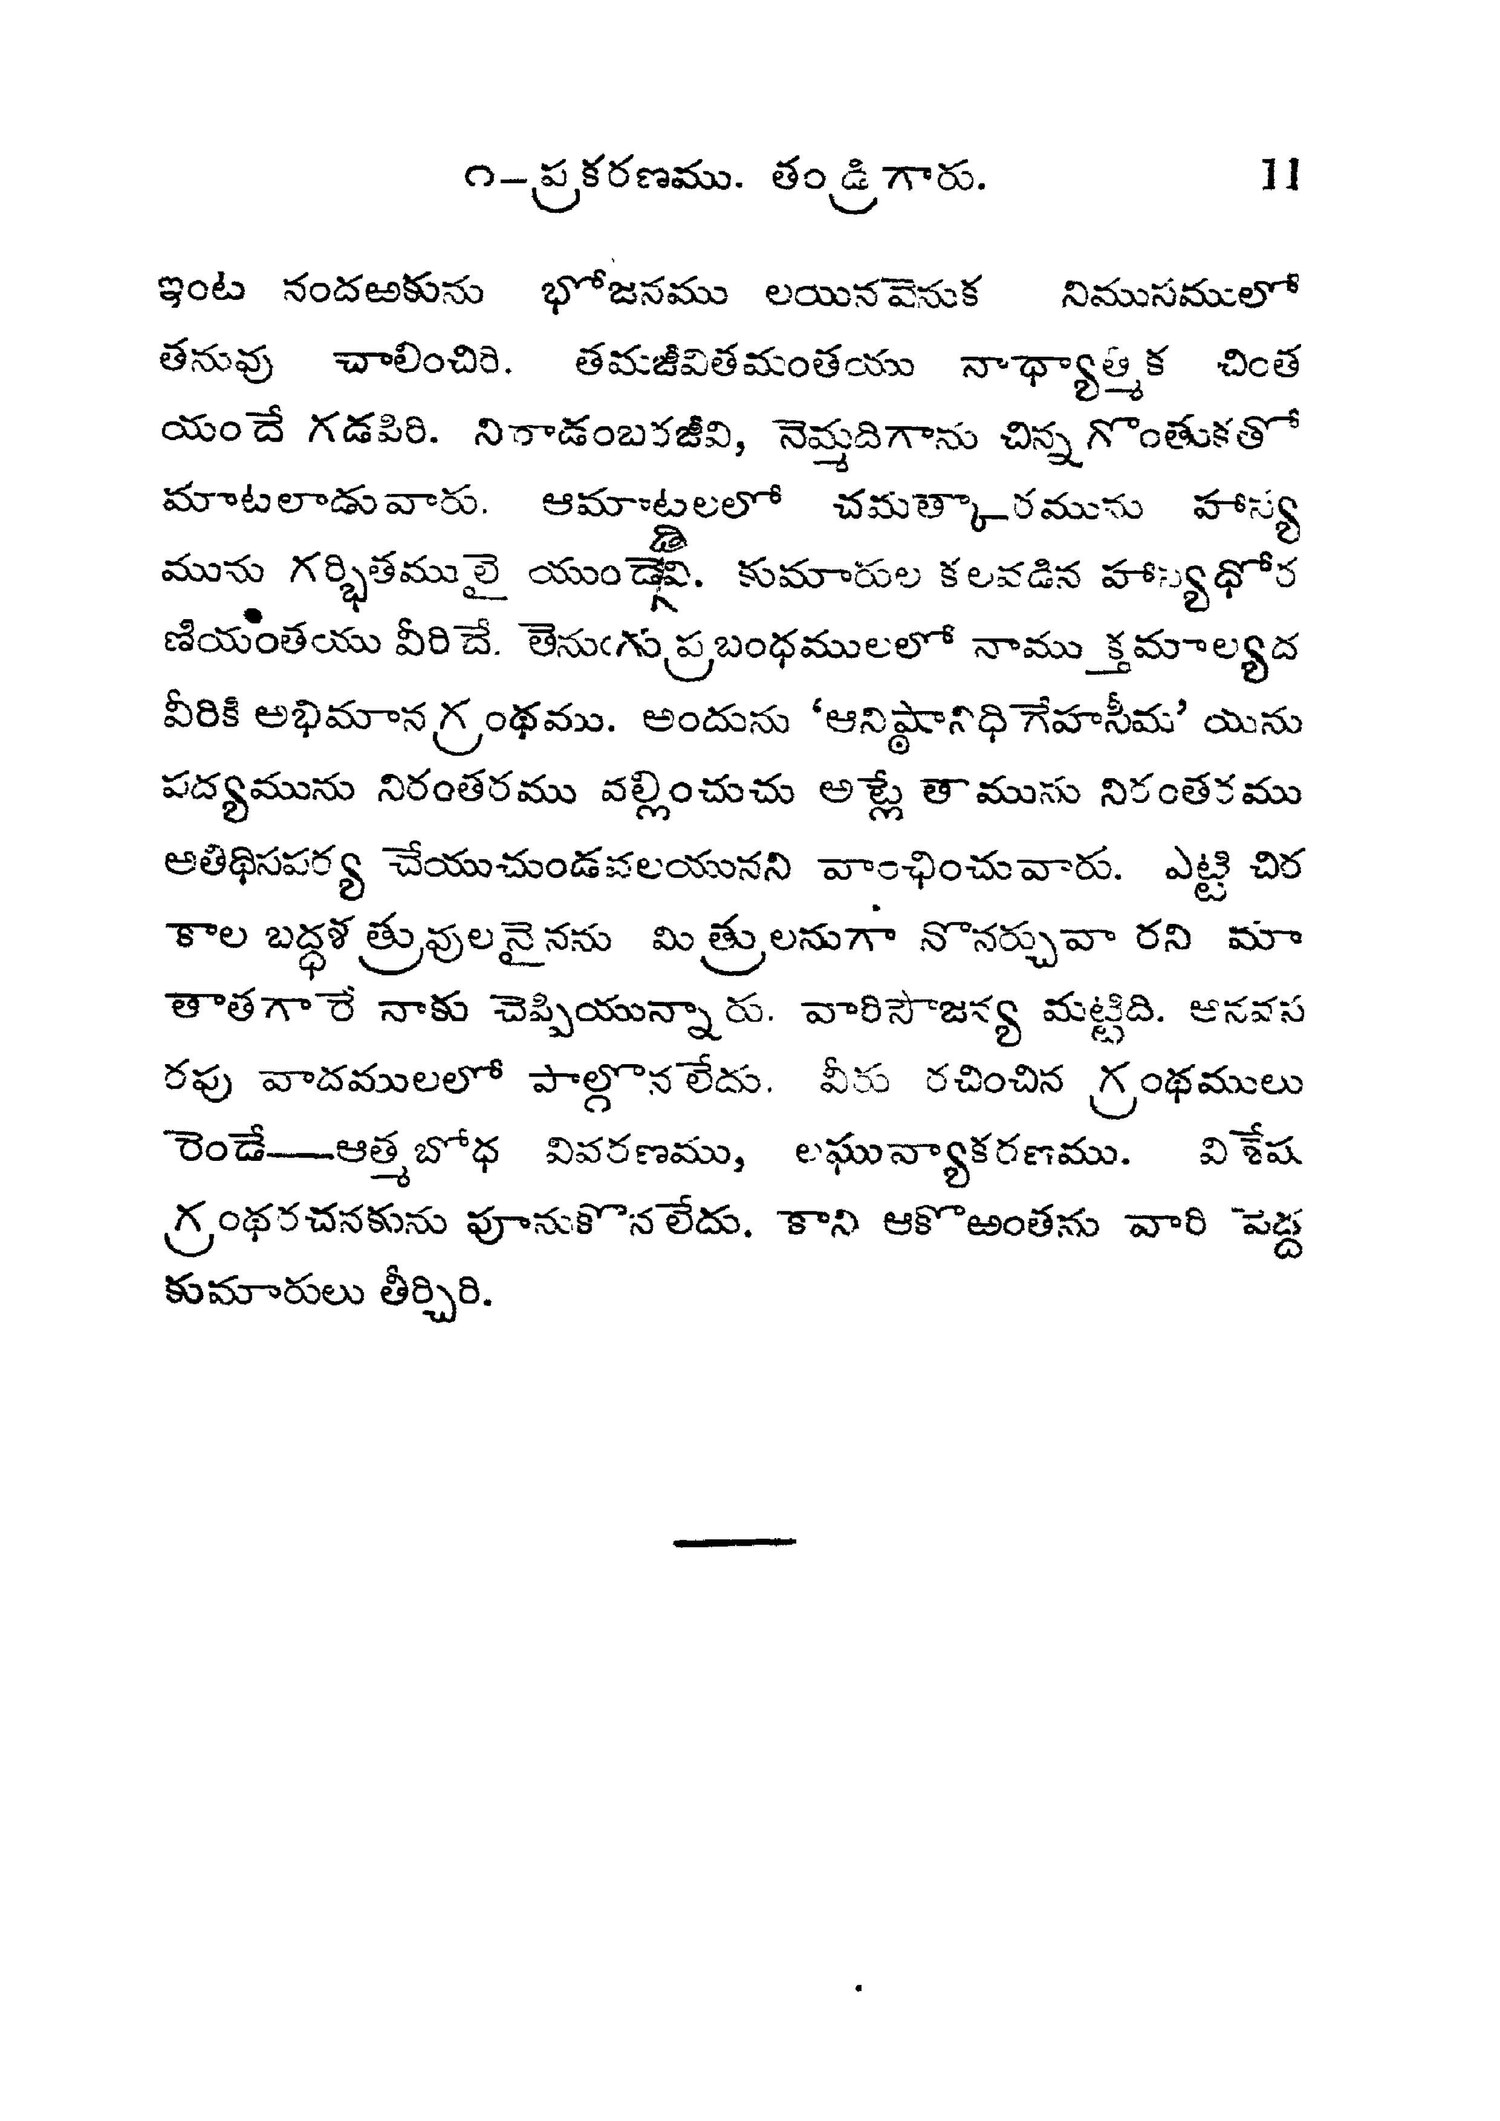ఇంట నందఱకును భోజనము లయినవెనుక నిముసములో తనువు చాలించిరి. తమజీవితమంతయు నాధ్యాత్మిక చింతయందే గడపిరి. నిరాడంబరజీవి, నెమ్మదిగాను చిన్నగొంతుకతో మాటలాడువారు. ఆమాటలలో చమత్కారములు హాస్యమును గర్భితములై యుండెడివి. కుమారుల కలవడిన హాస్యధోరణియంతయు వీరిదే. తెనుగు ప్రబంధములలో నాముక్తమాల్యద వీరికి అభిమానగ్రంథము. అందును 'ఆనిష్ఠానిధిగేహసీమ' యను పద్యమును నిరంతరము వల్లించుచు అట్లే తామును నిరంతరము అతిథిసపర్య చేయుచుండవలయునని వాంఛించువారు. ఎట్టి చిరకాల బద్ధశత్రువులనైనను మిత్రులనుగా నొనర్చువా రని మా తాతగారే నాకు చెప్పియున్నారు. వారిసౌజన్య మట్టిది. అనవసరపు వాదములలో పాల్గొనలేదు. వీరు రచించిన గ్రంథములు రెండే - ఆత్మబోధ వివరణము, లఘువ్యాకరణము. విశేష గ్రంథరచనకును పూనుకొనలేదు. కాని ఆకొఱంతను వారి పెద్ద కుమారులు తీర్చిరి.

_________